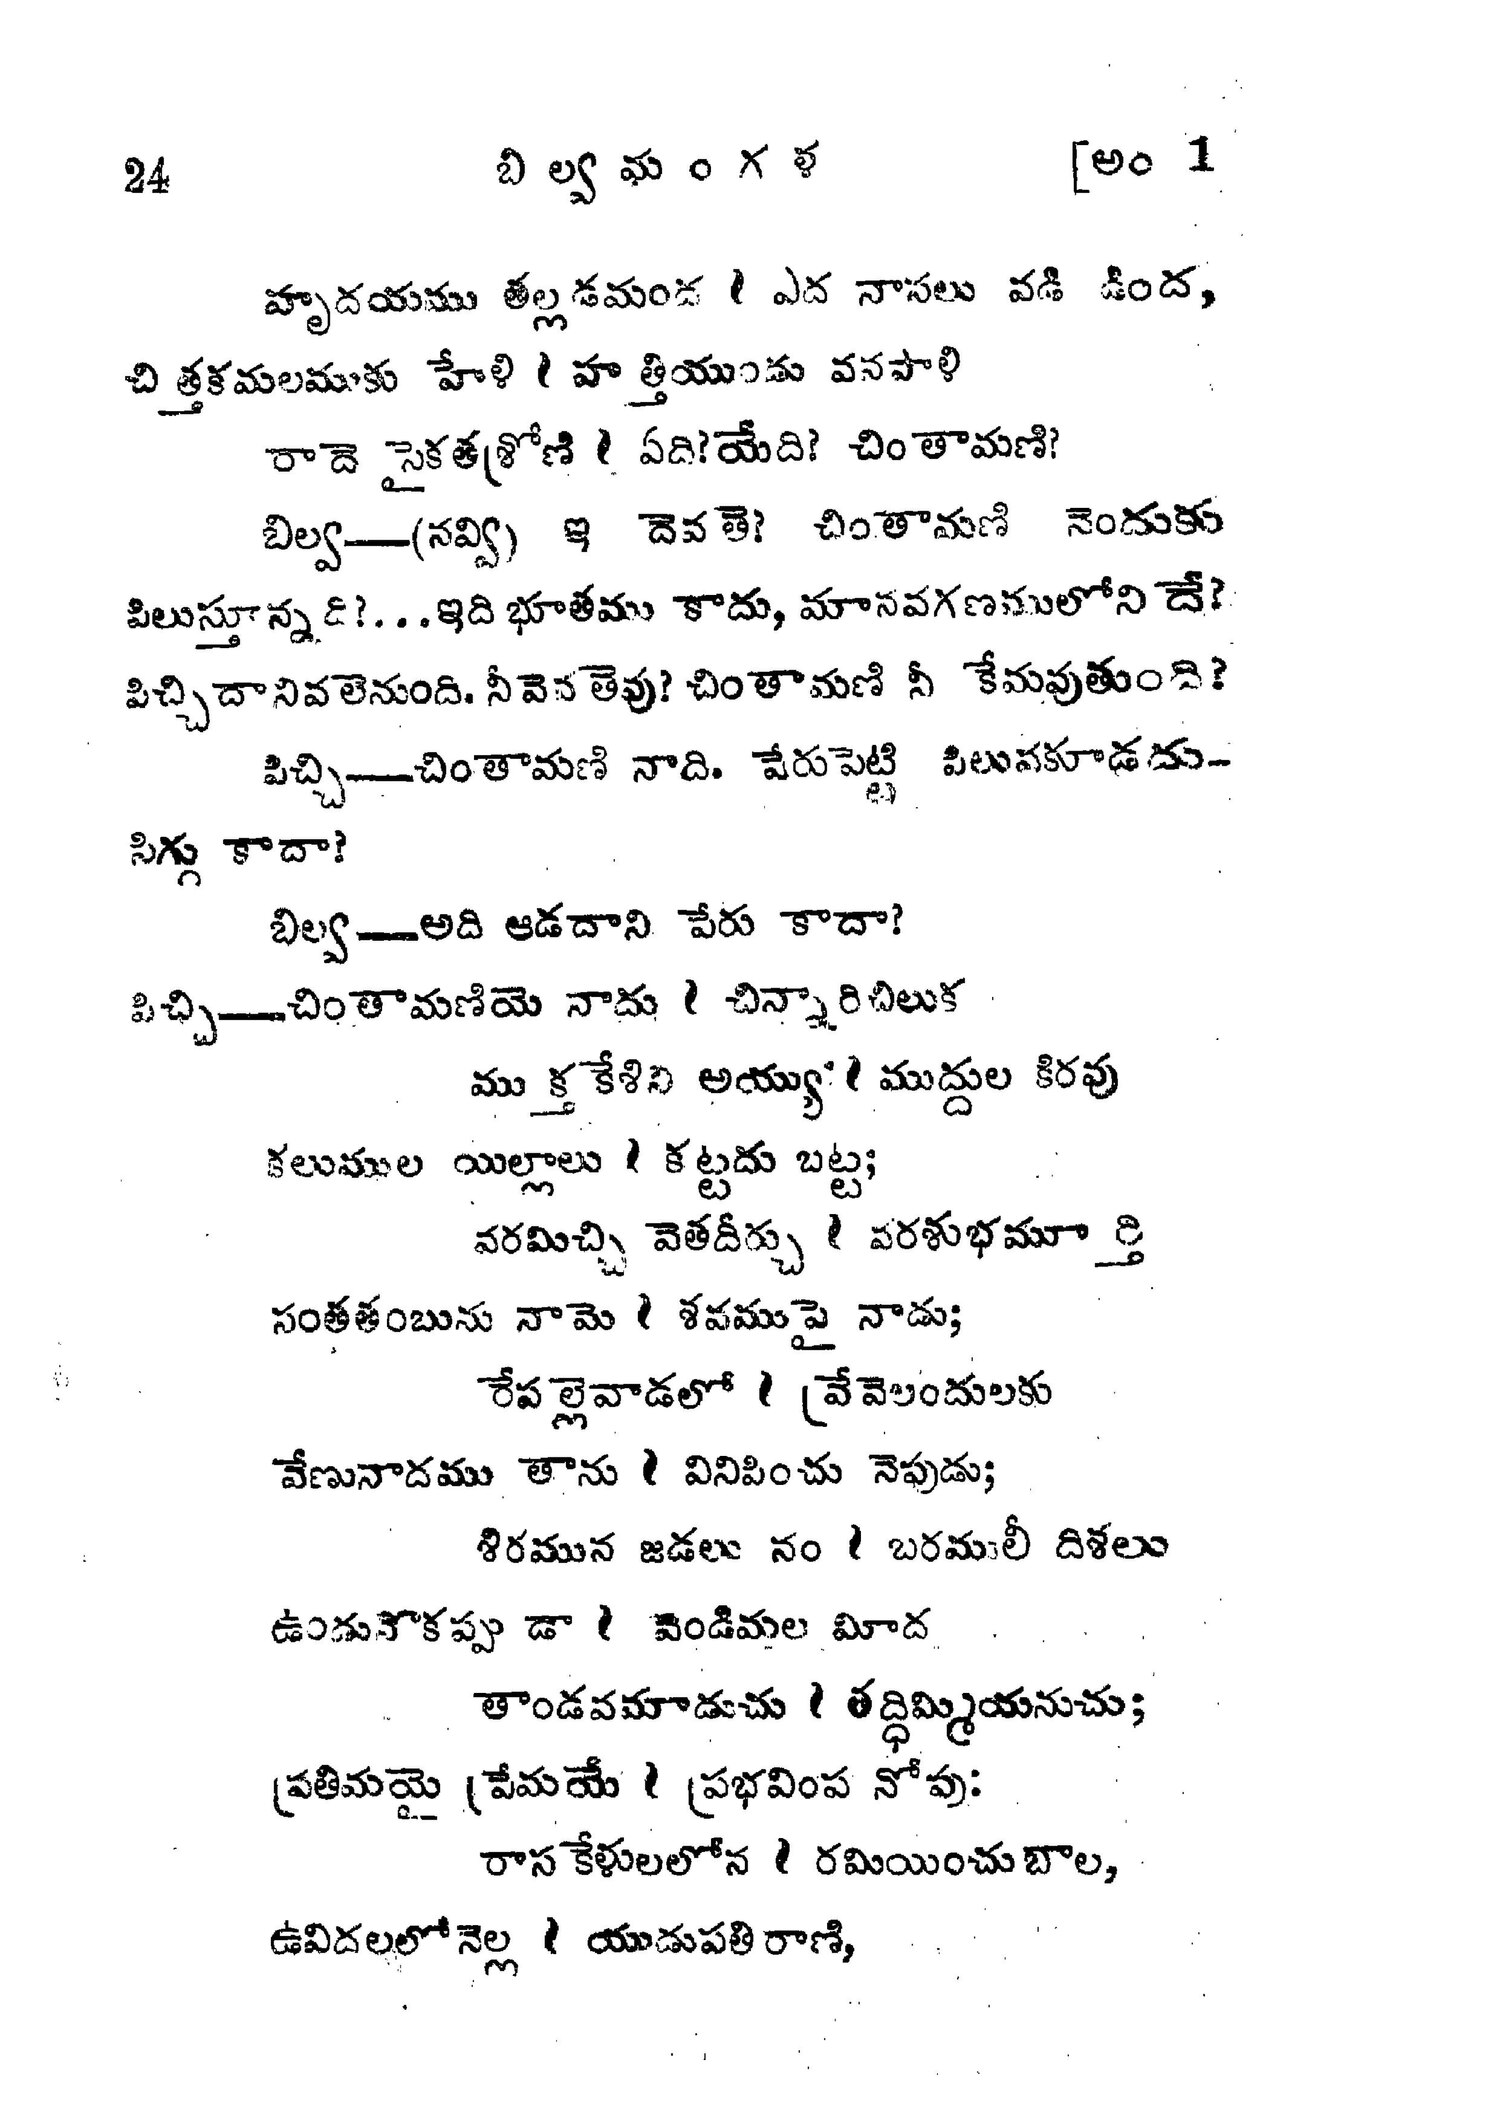హృదయము తల్లడమంద ♦ ఎద నాసలు వడి డింద, చిత్తకమలముకు హేళి ♦ హత్తియుండు వనపాళి

రాదె సైకతశ్రోణి ♦ ఏది? యేది? చింతామణి?

బిల్వ - (నవ్వి) ఇ దెవతె? చింతామణి నెందుకు పిలుస్తూన్నది? ... ఇది భూతము కాదు, మానవగణములోనిదే? పిచ్చిదానివలెనుంది. నీవెవతెవు? చింతామణి నీ కేమవుతుంది?

పిచ్చి - చింతామణి నాది. పేరుపెట్టి పిలువకూడదు - సిగ్గు కాదా?

బిల్వ - అది ఆడదాని పేరు కాదా?

 పిచ్చి - చింతామణియె నాదు ♦ చిన్నారిచిలుక
 ముక్తకేశిని అయ్యు ♦ ముద్దుల కిరవు
 కలుముల యిల్లాలు ♦ కట్టదు బట్ట;
 వరమిచ్చి వెతదీర్చు ♦ వరశుభమూర్తి
 సంతతంబును నామె ♦ శవముపై నాడు;
 రేపల్లెవాడలో ♦ వ్రేవెలందులకు
 వేణునాదము తాను ♦ వినిపించు నెపుడు;
 శిరమున జడలు నం ♦ బరములీ దిశలు
 ఉండునొకప్పు డా ♦ వెండిమల మీద
 తాండవమాడుచు ♦ తద్ధిమ్మియనుచు;
 ప్రతిమయై ప్రేమయే ♦ ప్రభవింప నోపు:
 రాసకేళులలోన ♦ రమియించుబాల,
 ఉవిదలలోనెల్ల ♦ యుడుపతిరాణి,